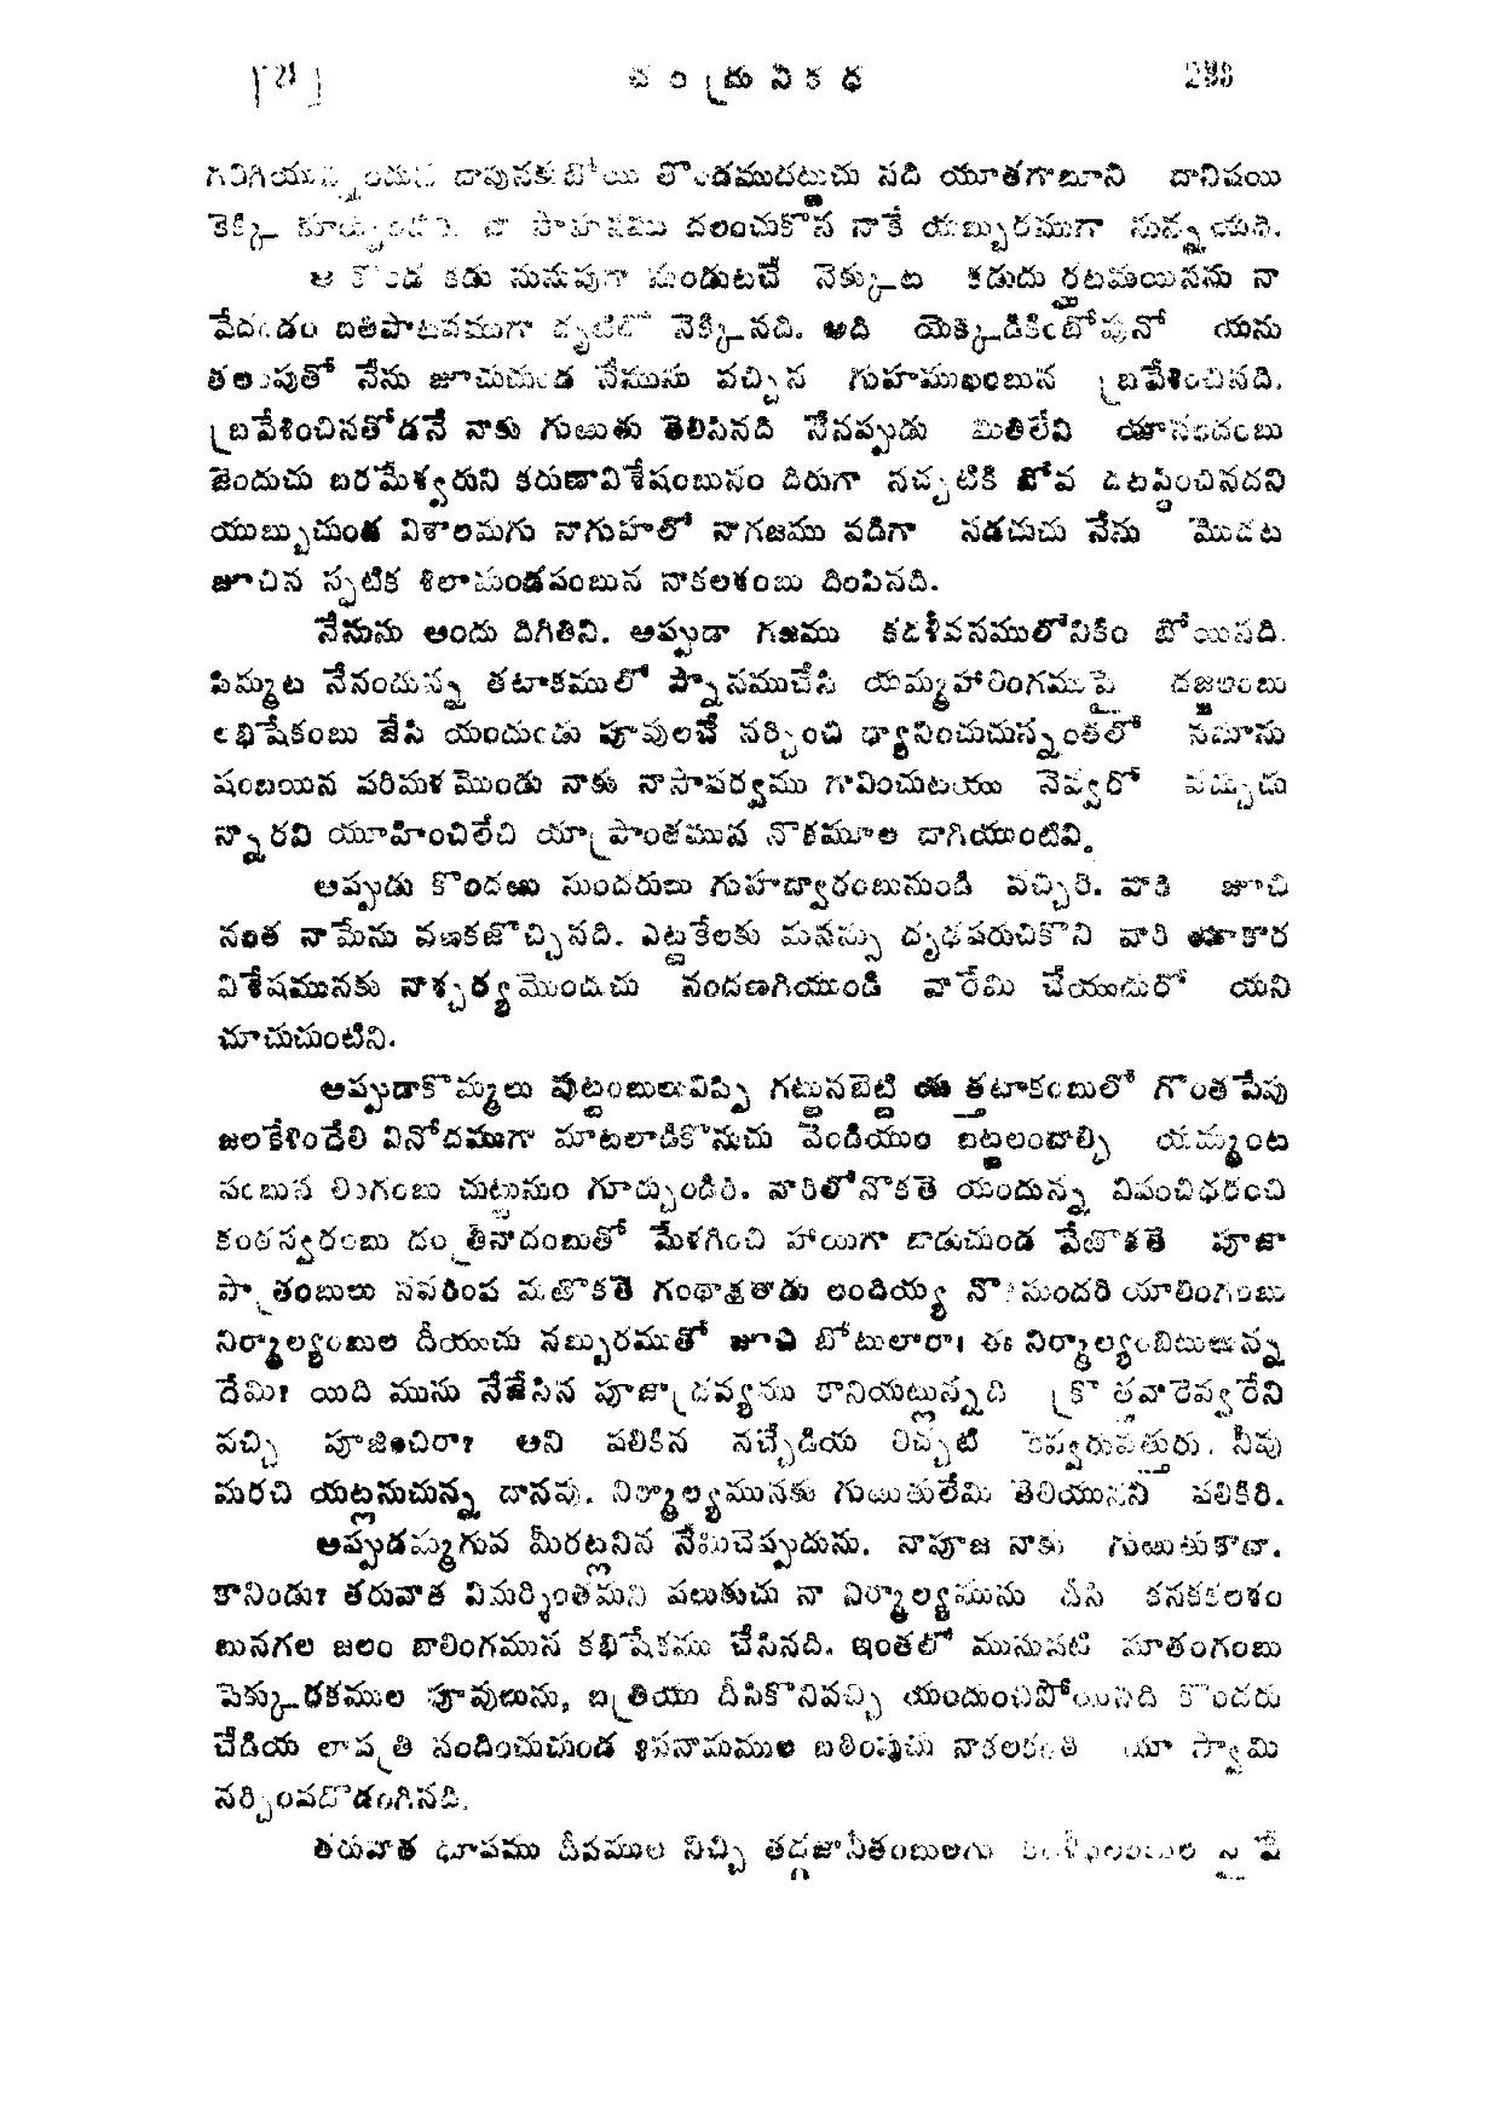గలిగియున్నందున దాపునకుబోయి తొండముదట్టుచు నది యూతగాబూని దానిపయి కెక్కి కూర్చుంటిని. నా సాహసము దలంచుకొన నాకే యబ్బురముగా నున్నయది.

ఆ కొండ కడు నునుపుగా నుండుటచే నెక్కుట కడుదుర్ఘటమయినను నా వేదండం బతిపాటవముగా దృటిలో నెక్కినది. అది యెక్కడికిఁబోవునో యను తలంపుతో నేను జూచుచుండ నేమును వచ్చిన గుహముఖంబున బ్రవేశించినది. బ్రవేశించినతోడనే నాకు గుఱుతు తెలిసినది నేనప్పుడు మితిలేని యానందంబు జెందుచు బరమేశ్వరుని కరుణావిశేషంబునం దిరుగా నచ్చటికి బోవ దటస్థించినదని యుబ్బుచుండ విశాలమగు నాగుహలో నాగజము వడిగా నడచుచు నేను మొదట జూచిన స్ఫటికశిలామండపంబున నాకలశంబు దింపినది.

నేనును అందు దిగితిని. అప్పుడా గజము కదళీవనములోనికిం బోయినది. పిమ్మట నేనందున్న తటాకములో స్నానముచేసి యమ్మహాలింగముపై దజ్జలంబు అభిషేకంబు జేసి యందుండు పూవులచే నర్చించి ధ్యానించుచున్నంతలో నమానుషంబయిన పరిమళమొండు నాకు నాసాపర్వము గావించుటయు నెవ్వరో వచ్చుచున్నారని యూహించిలేచి యాప్రాంతమున నొకమూల దాగియుంటిని.

అప్పుడు కొందఱు సుందరులు గుహద్వారంబునుండి వచ్చిరి. వారి జూచి నంత నామేను వణకజొచ్చినది. ఎట్టకేలకు మనస్సు దృఢపరుచికొని వారి యాకార విశేషమునకు నాశ్చర్యమొందుచు నం దణగియుండి వారేమి చేయుదురో యని చూచుచుంటిని.

అప్పు డాకొమ్మలు పుట్టంబులు విప్పి గట్టునబెట్టి యత్తటాకంబులో గొంతసేపు జలకేళిం దేలి వినోదముగా మాటలాడికొనుచు వెండియుం బట్టలందాల్చి యమ్మంటపంబున లింగంబుచుట్టునుం గూర్చుండిరి. వారిలో నొకతె యందున్న విపంచి ధరించి కంఠస్వరంబు దంత్రీనాదంబుతో మేళగించి హాయిగా బాడుచుండ వేఱొకతె పూజాపాత్రంబులు సవరింప మఱొకతె గంథాక్షతాదు లందియ్య నొకసుందరి యాలింగంబు నిర్మాల్యంబుల దీయుచు నబ్బురముతో జూచి బోటులారా? ఈ నిర్మాల్యం బిటులున్న దేమి? యిది మును నేజేసిన పూజాద్రవ్యము కానియట్లున్నది క్రొత్తవారెవ్వరేని వచ్చి పూజించిరా? అని పలికిన నచ్చేడియ లిచ్చటి కెవ్వరు వత్తురు . నీవు మరచి యట్లనుచున్ దానవు. నిర్మాల్యమునకు గుఱుతులేమి తెలియునని పలికిరి. 

అప్పు డమ్మగువ మీరట్లనిన నేమిచెప్పుదును. నాపూజ నాకు గుఱుతుకాదా. కానిండు? తరువాత విమర్శింతమని పలుకుచు నా నిర్మాల్యమును దీసి కనకకలశంబునగల జలం బాలింగమున కభిషేకము చేసినది. ఇంతలో మునుపటి మాతంగంబు పెక్కురకముల పూవులును, బత్రియు దీసికొనివచ్చి యందుంచిపోయినది కొందరు చేడియ లాపత్రి నందించుచుండ శివనామముల బఠింపుచు నాకలకంఠి యా స్వామి నర్చింపదొడంగినది.

తరువాత ధూపము దీపముల నిచ్చి తద్గజానీతంబులగు కధళీఫలముల నైవే